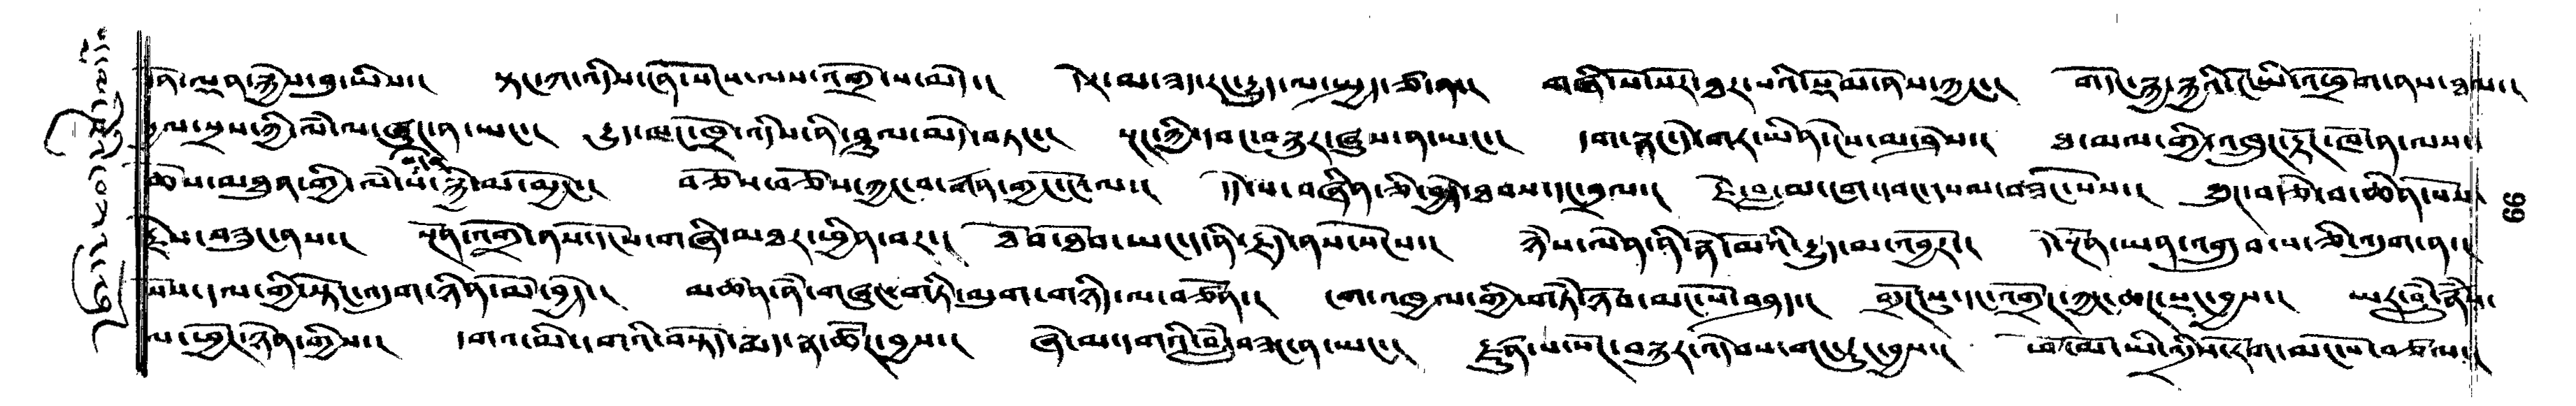དོན་ལྡན་སྐྱེས་བུ་ཡི། སྟངས་ཀ་འདིས་ངན་སོང་ལས་འགྲོ་ས་མེད། །དེར་མ་ཟད་རང་རྒྱུད་ལ་སྤྱད་ཙ་ན། །གཞི་སོ་སོར་ཐར་པའི་སྡོམ་ནོས་ཀྱང་། །གདོང་སྐྱ་སྐྱའི་ངོ་ཡི་ཕྲོགས་ནས་ཐལ། །
རྒྱལ་སྲས་ཀྱི་ལམ་ལ་ཞུགས་ན་ཡང་། །རྒྱུད་ཁོང་ཁྲོ་འདིས་ནི་ཤུལ་མེད་བཏང་། །སྔགས་ཀྱི་དབང་བསྐུར་ཞུས་ན་ཡང་། །དག་སྣང་དེ་གར་ཡིན་ངོ་མ་ཤེས། །ཐ་མལ་གྱི་འཁྲུལ་རྟོག་ཁོ་ན་ལས། །
ཆོས་མཐུན་གྱི་ལམ་བདེན་སྐྱེ་མ་མྱོང་། །བཅོས་བཅོས་ཀྱང་བ་རྒན་གྱང་ངོས་ལ། །དེད་པ་བཞིན་ཅི་བྱེད་ཐབས་དང་བྲལ། །རྗེ་བླ་མ་ངག་དབང་དཔལ་བཟང་པོས། །ཐུགས་བརྩེ་བ་ཆེན་པོས་
རྗེས་བཟུང་ནས། །སྔོན་འགྲོ་ནས་དངོས་གཞི་མཐར་ཕྱིན་བར། །ཐོབ་ཐོབ་ཡང་ད་ནི་བརྗེད་ནས་སོང་།ཉམས་ལེན་ནི་སྣེ་མོའི་རྒྱུད་མ་འབྱོར། །དེ་སྔོན་ཡན་འགྲུབ་པ་ཅི་འདུག་ན། །
སོས་དལ་གྱི་སྟོང་འདུག་ཉིན་མོ་བྱེད། །མཚན་ནམ་གཞུང་གཏི་མུག་གཉིད་ལ་བརྩོན། །ངག་འཁྱལ་གྱི་གཏམ་ཉོབ་མང་པོ་བཤད། །གྲོགས་སུ་དང་འགྲོགས་ཀྱང་ཆགས་སྡང་བྱས། །ཡར་བླ་མ་རྣམས་
ལ་ཕྱོགས་ཞེན་གྱིས། །དགའ་མི་དགའི་བསྟོད་སྨད་སྣ་ཚོགས་བྱས། །ཞེ་མ་དགའི་བླ་མ་བཟང་ན་ཡང་། །རྫུན་པ་སོགས་བསྐུར་འདེབས་གང་རུང་བྱས། །ཕོ་མོ་ཡི་འདྲིས་རོགས་མང་པོ་བཙལ།